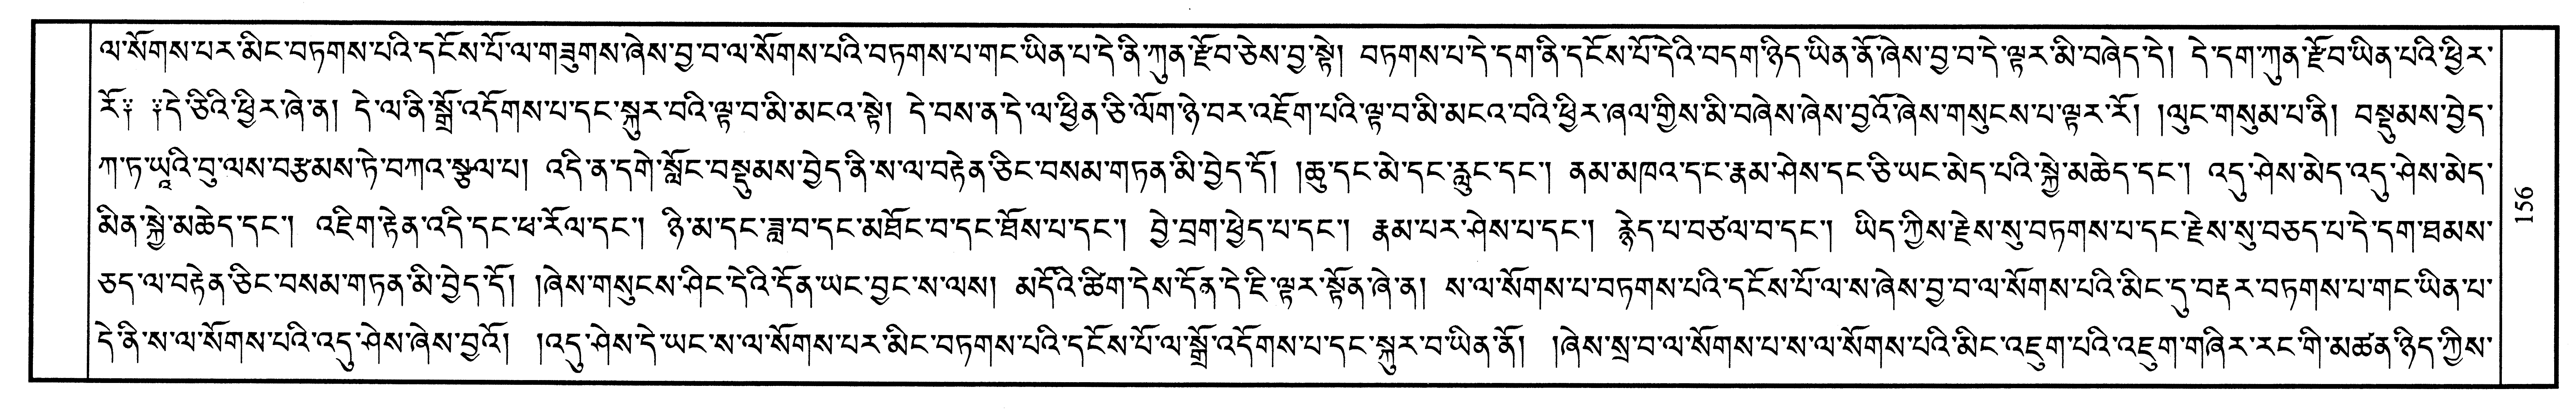ལ་སོགས་པར་མིང་བཏགས་པའི་དངོས་པོ་ལ་གཟུགས་ཞེས་བྱ་བ་ལ་སོགས་པའི་བཏགས་པ་གང་ཡིན་པ་དེ་ནི་ཀུན་རྫོབ་ཅེས་བྱ་སྟེ། བཏགས་པ་དེ་དག་ནི་དངོས་པོ་དེའི་བདག་ཉིད་ཡིན་ནོ་ཞེས་བྱ་བ་དེ་ལྟར་མི་བཞེད་དེ། དེ་དག་ཀུན་རྫོབ་ཡིན་པའི་ཕྱིར་
རོ༑ ༑དེ་ཅིའི་ཕྱིར་ཞེ་ན། དེ་ལ་ནི་སྒྲོ་འདོགས་པ་དང་སྐུར་བའི་ལྟ་བ་མི་མངའ་སྟེ། དེ་བས་ན་དེ་ལ་ཕྱིན་ཅི་ལོག་ཉེ་བར་འཇོག་པའི་ལྟ་བ་མི་མངའ་བའི་ཕྱིར་ཞལ་གྱིས་མི་བཞེས་ཞེས་བྱའོ་ཞེས་གསུངས་པ་ལྟར་རོ། །ལུང་གསུམ་པ་ནི། བསྡུམས་བྱེད་
ཀ་ཏ་ཡཱའི་བུ་ལས་བརྩམས་ཏེ་བཀའ་སྩལ་པ། འདི་ན་དགེ་སློང་བསྡུམས་བྱེད་ནི་ས་ལ་བརྟེན་ཅིང་བསམ་གཏན་མི་བྱེད་དོ། །ཆུ་དང་མེ་དང་རླུང་དང་། ནམ་མཁའ་དང་རྣམ་ཤེས་དང་ཅི་ཡང་མེད་པའི་སྐྱེ་མཆེད་དང་། འདུ་ཤེས་མེད་འདུ་ཤེས་མེད་
མིན་སྐྱེ་མཆེད་དང་། འཇིག་རྟེན་འདི་དང་ཕ་རོལ་དང་། ཉི་མ་དང་ཟླ་བ་དང་མཐོང་བ་དང་ཐོས་པ་དང་། བྱེ་བྲག་ཕྱེད་པ་དང་། རྣམ་པར་ཤེས་པ་དང་། རྙེད་པ་བཙལ་བ་དང་། ཡིད་ཀྱིས་རྗེས་སུ་བཏགས་པ་དང་རྗེས་སུ་བཅད་པ་དེ་དག་ཐམས་
ཅད་ལ་བརྟེན་ཅིང་བསམ་གཏན་མི་བྱེད་དོ། །ཞེས་གསུངས་ཤིང་དེའི་དོན་ཡང་བྱང་ས་ལས། མདོའི་ཚིག་དེས་དོན་དེ་ཇི་ལྟར་སྟོན་ཞེ་ན། ས་ལ་སོགས་པ་བཏགས་པའི་དངོས་པོ་ལ་ས་ཞེས་བྱ་བ་ལ་སོགས་པའི་མིང་དུ་བརྡར་བཏགས་པ་གང་ཡིན་པ་
དེ་ནི་ས་ལ་སོགས་པའི་འདུ་ཤེས་ཞེས་བྱའོ། །འདུ་ཤེས་དེ་ཡང་ས་ལ་སོགས་པར་མིང་བཏགས་པའི་དངོས་པོ་ལ་སྒྲོ་འདོགས་པ་དང་སྐུར་བ་ཡིན་ནོ། །ཞེས་སྲ་བ་ལ་སོགས་པ་ས་ལ་སོགས་པའི་མིང་འཇུག་པའི་འཇུག་གཞིར་རང་གི་མཚན་ཉིད་ཀྱིས་